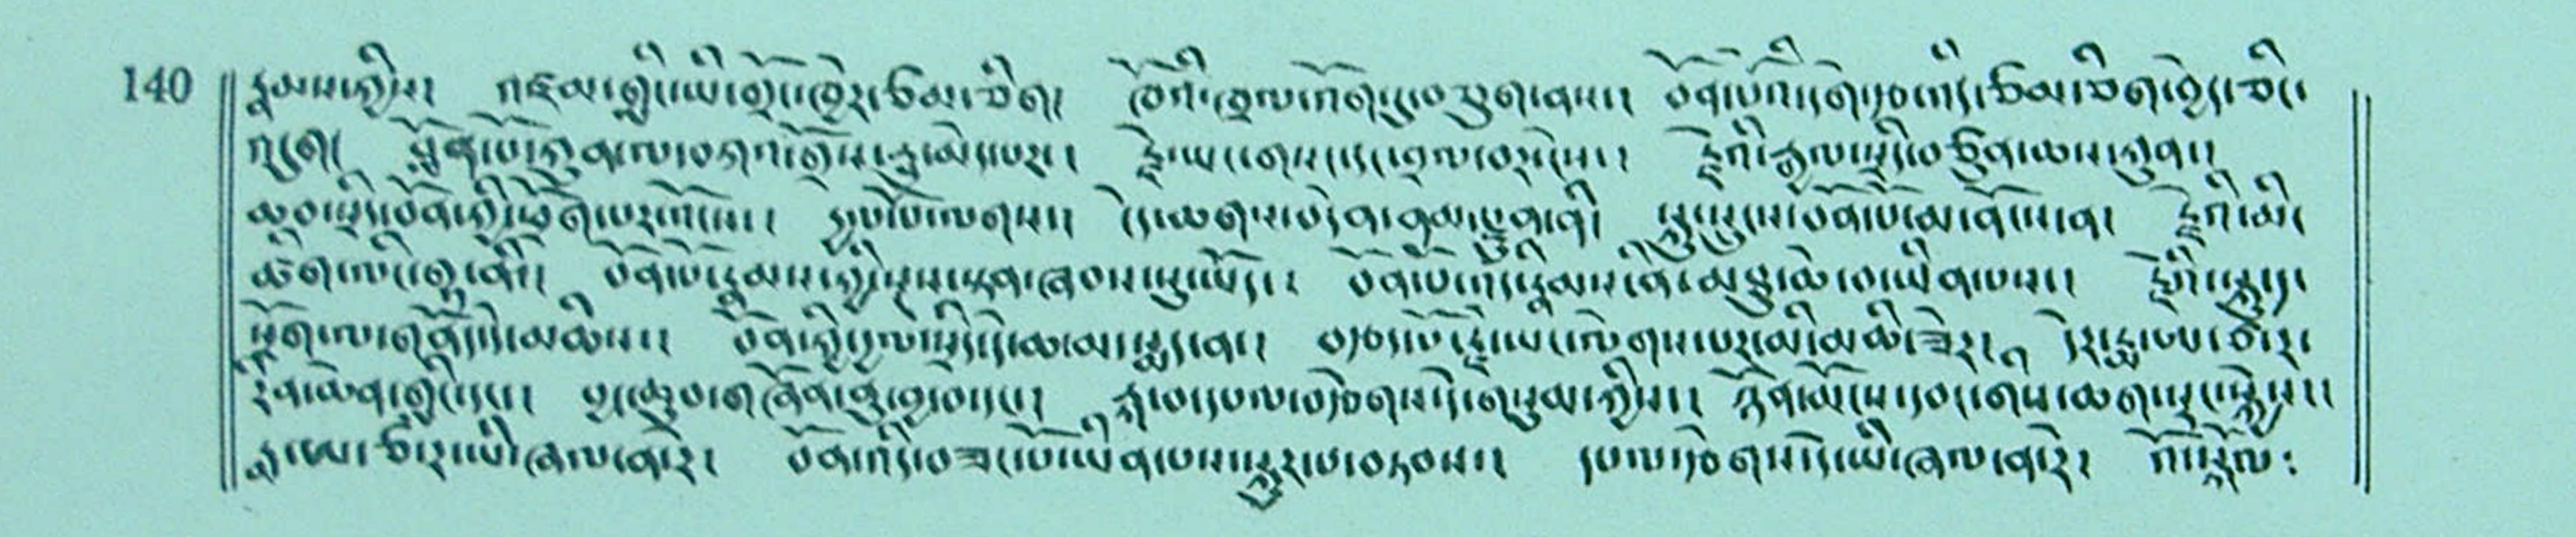རྣམས་ཀྱིས། འཛམ་བུ་གླིང་གི་གྲོང་ཁྱེར་ཙམ་ཅིག ཁོའི་ཁྲལ་འོག་ཏུ་བཅུག་ནས། བོན་པོའི་དགེ་རྩ་འདི་ཙམ་ཅིག་བྱེད་ཅིང་
འདུག བློན་པོ་ཀུན་ལ་བཀའ་གྲོས་རྒྱུ་མེད་པར། རྗེ་ཡང་གསང་དང་བྲལ་བར་ངེས། རྗེའི་རྒྱལ་སྲིད་བཙུན་ཆས་ཀུན། 
ཆབ་སྲིད་བོན་གྱིས་ཕྲོག་པར་འོངས། རྒྱལ་བོ་ལགས། ངེད་ཅག་བདེན་ནམ་རྫུན་ནི། སྐུ་སྲུངས་བོན་པོ་མ་ནོངས་ན། རྗེའི་མིང་
ཚིག་ལིང་གྟ་ནི། བོན་པོ་རྣམས་ཀྱི་སྔས་སྟན་ཞབས་སུ་ཡོད། བོན་པོ་འདི་རྣམས་ནི་མཐུ་ཆེ་བ་ཡིན་པས། རྗེའི་སྐུ་དང་
སྲོག་ལ་གནོད་དེ་མཆིས། བོན་གྱི་རྒྱལ་སྲིད་དེ་ཆ་མ་སྨད་ན། བརྩད་པོ་རྗེ་ཡང་ལེགས་པར་མི་མཆི་ཟེར། དེར་རྨ་ཨ་ཙ་ར་
རིན་ཆེན་གླིང་དང་། བྱང་ཆུབ་གཞོན་ནུ་བྱ་བ་དང་། ཀ་བ་དཔལ་བརྩེགས་དེ་གསུམ་གྱིས། ཉོན་མོངས་དབང་གིས་ཆགས་སྡང་སྐྱེས།
རྨ་ཨ་ཙ་རའི་ཞལ་ན་རེ། བོན་འདི་བཟང་བོ་ཡིན་པས་སྐུར་བ་བཏབས། དཔལ་བརྩེགས་དེའི་ཞལ་ན་རེ། འོ་སྐོལ་